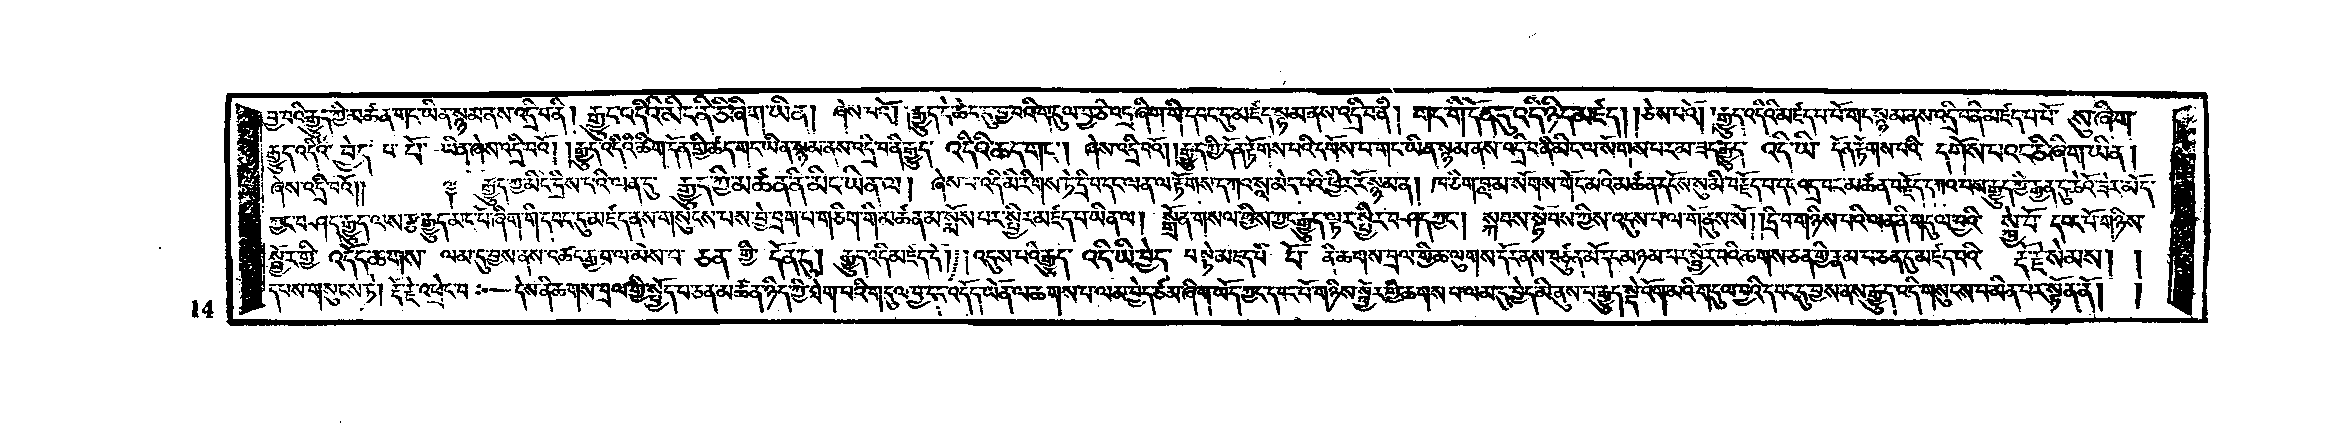བྱ་བའི་རྒྱུད་ཀྱི་མཚན་གང་ཡིན་སྙམ་ནས་འདྲེ་བ་ནི། རྒྱུད་འདའི་མིང་ནི་ཅི་ཞིག་ཡིན། ཞེས་པའོ། །རྒྱུད་དེ་ཆེད་དུ་བྱ་བའི་གདུལ་བྱ་ཅི་འདྲ་ཞིག་གི་དབང་དུ་མཛད་སྙམ་ནས་འདྲི་བ་ནི། གང་གི་དོན་དུ་འདི་ཉིད་མཛད། །ཅེས་པའོ། །རྒྱུད་འདིའི་མཛད་པ་པོ་གང་སྙམ་ནས་འདྲི་བ་ནི་མཛད་པ་པོ་སུ་ཞིག་
རྒྱུད་འདིའི་བྱེད་པ་པོ་ཡིན་ཞེས་འདྲི་བའོ། །རྒྱུད་འདིའི་ཚིག་དོན་གྱི་ཚད་གང་ཡིན་སྙམ་ནས་འདྲི་བ་ནི་རྒྱུད་འདིའི་ཆད་གང་། ཞེས་འདྲི་བའོ། །རྒྱུད་ཀྱི་དོན་རྟོགས་པའི་དགོས་པ་གང་ཡིན་སྙམ་ནས་འདྲི་བ་ནི་མིང་ལ་སོགས་པར་མ་ཟད་རྒྱུད་འདི་ཡི་དོན་རྟོགས་པའི་དགོས་པའང་ཅི་ཞིག་ཡིན།
ཞེས་འདྲི་བའོ།། ༈ རྒྱུད་ཀྱི་མིང་དྲིས་པའི་ལན་དུ་རྒྱུད་ཀྱི་མཚན་ནི་མིང་ཡིན་ལ། ཞེས་པ་འདི་མི་རིགས་ཏེ་དྲི་བ་དང་ལན་ལ་རྟོགས་དཀའ་སླ་མེད་པའི་ཕྱིར་རོ་སྙམ་ན། ཁ་ཅིག་བླ་མ་སོགས་གོང་མའི་མཚན་དངོས་སུ་མི་བརྗོད་པ་དང་འདྲ་བར་མཚན་བརྗོད་དཀའ་བས་རྒྱུད་ཀྱི་རྒྱན་དུ་ཆེའོ་ཟེར་མོད་
ཀྱང་བཤད་རྒྱུད་ལས་རྩ་རྒྱུད་མང་པོ་ཞིག་གི་དབང་དུ་མཛད་ནས་གསུངས་པས་བྱེ་བྲག་པ་གཅིག་གི་མཚན་མ་སྨོས་པར་སྤྱིར་མཛད་པ་ཡིན་ལ། སྒྲོན་གསལ་གྱིས་ཀྱང་རྒྱུད་ལྟར་སྤྱིར་བཤད་ཀྱང་། སྐབས་སྟོབས་ཀྱིས་འདུས་པ་ལ་གོ་ནུས་སོ། །དྲི་བ་གཉིས་པའི་ལན་ནི་གདུལ་བྱའི་སྐྱེ་བོ་དབང་པོ་གཉིས་
སྦྱོར་གྱི་འདོད་ཆགས་ལམ་དུ་བྱས་ནས་འཚང་རྒྱ་བ་ལ་མོས་པ་ཅན་གྱི་དོན་དུ། རྒྱུད་འདི་མཛད་དོ། །འདུས་པའི་རྒྱུད་འདི་ཡི་བྱེད་པ་སྟེ་མཛད་པ་པོ་ནི་ཆགས་བྲལ་གྱི་ཆ་ལུགས་དོར་ནས་བཙུན་མོ་དང་མཉམ་པར་སྦྱོར་བའི་ཆགས་ཅན་གྱི་རྣམ་པ་ཅན་དུ་མཛད་པའི་རྡོ་རྗེ་སེམས། །
དཔས་གསུངས་ཏེ། རྡོ་རྗེ་འཕྲེང་བ་དེས་ནི་ཆགས་བྲལ་གྱི་སྤྱོད་པ་ཅན་མཚན་ཉིད་ཀྱི་ཐེག་པའི་གདུལ་བྱ་དང་འདོད་ཡོན་ལ་ཆགས་པ་ལམ་བྱེད་ཙམ་ཞིག་ཡོད་ཀྱང་དབང་པོ་གཉིས་སྦྱོར་གྱི་ཆགས་པ་ལམ་དུ་བྱེད་མི་ནུས་པ་རྒྱུད་སྡེ་འོག་མའི་གདུལ་བྱའི་དབང་དུ་བྱས་ནས་རྒྱུད་འདི་གསུངས་པ་རིན་པར་སྟོན་ནོ། །